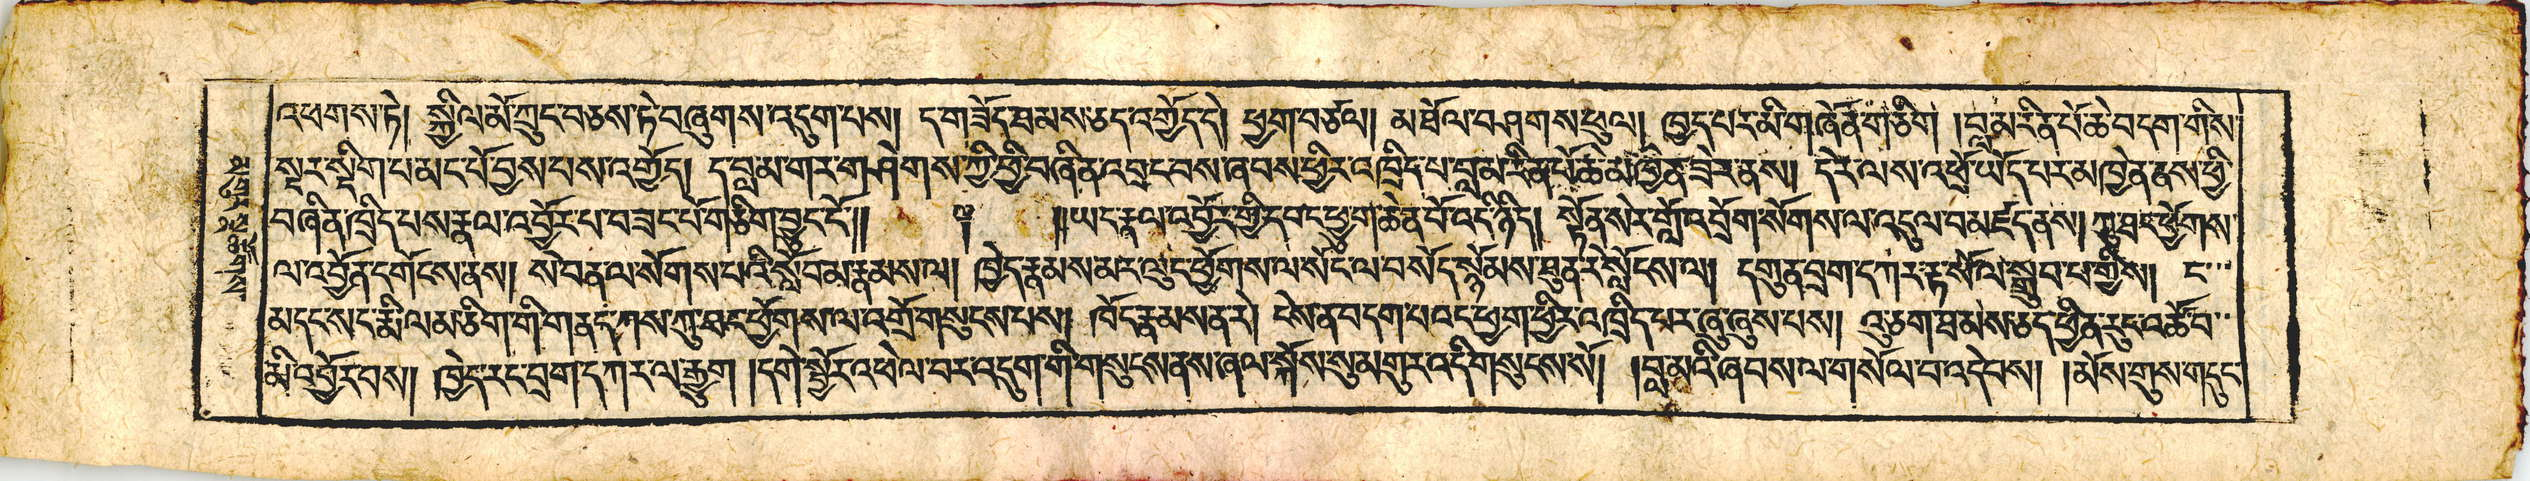འཕགས་ཏེ། སྐྱིལ་མོ་ཀྲུང་བཅས་ཏེ་བཞུགས་འདུག་པས། ད་གཟོད་ཐམས་ཅད་འགྱོད་དེ། ཕྱག་བཙལ། མཐོལ་བཤགས་ཕུལ། ཁྱད་པར་མི་གཞོན་གཅིག །བླ་མ་རིན་པོ་ཆེ་བདག་གིས་
སྔར་སྡིག་པ་མང་པོ་བྱས་པས་འགྱོད། ད་བླ་མ་གར་གཤེགས་ཀྱི་ཕྱི་བཞིན་འབྲང་བས་ཞབས་ཕྱིར་འཁྲིད་པ་བླ་མ་རིན་པོ་ཆེ་མཁྱེན་ཟེར་ནས། དེར་ལས་འཕྲོ་ཡོད་པར་མཁྱེན་ནས་ཕྱི་
བཞིན་སྲིད་པས་རྣལ་འབྱོར་པ་བཟང་པོ་གཅིག་བྱུང་ངོ་།། ༈ ཡང་རྣལ་འབྱོར་གྱི་དབང་ཕྱུག་ཆེན་པོ་འདི་ཉིད། སྟོན་སེར་གློ་འབྲོག་སོགས་ལ་འདུལ་བ་མཛད་ནས། ཀླུ་ཐང་ཕྱོགས་
ལ་འབྱོན་དགོངས་ནས། སེ་བན་ལ་སོགས་པའི་སློབ་མ་རྣམསལ། ཁྱེད་རྣམས་མར་ལུང་ཕྱོགས་ལ་སོང་ལ་བསོད་སྙོམས་ཐུན་རེ་སློངས་ལ། དགུན་བྲག་དཀར་རྟ་སོར་སྒྲུབ་པ་གྱིས། ང་
མདང་སང་རྨི་ལམ་ཅིག་གི་གནད་ཀས་ཀུ་ཐང་ཕྱོགས་ལ་འགྲོ་གསུངས་པས། ཁོང་རྣམས་ན་རེ། ངེས་ན་བདག་པའང་ཕྱག་ཕྱིར་འཁྲིད་པར་ཞུ་ཞུས་པས། འུ་ཅག་ཐམས་ཅད་ཕྱིན་རུང་འཚོ་བ་
མི་འབྱོར་བས། ཁྱེད་རང་བྲག་དཀར་ལ་རྒྱུག །དགེ་སྦྱོར་འཕེལ་བར་འདུག་གི་གསུངས་ནས་ཞལ་སྐོས་སུ་་མགུརའདིགསུངས་སོ། །བླ་མའི་ཞབས་ལ་གསོལ་བ་འདེབས། །མོས་གུས་གདུང་